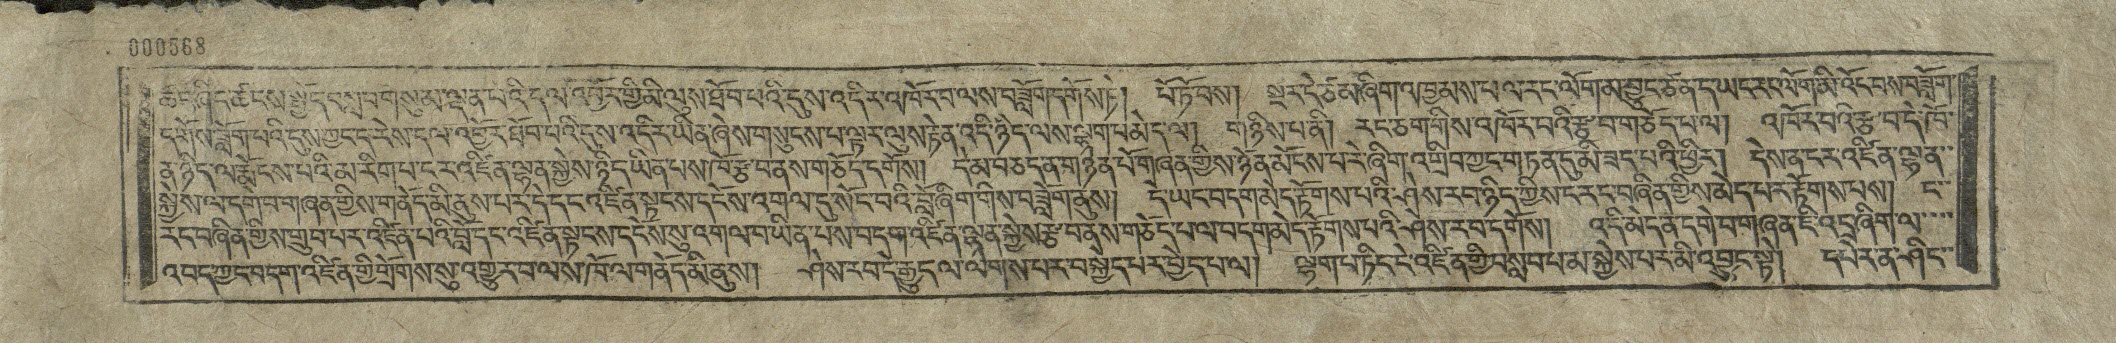ཚང་ཞིང་ཚངས་སྤྱོད་བསླབ་གསུམ་ལྡན་པའི་དལ་འབྱོར་ཀྱི་མི་ལུས་ཐོབ་པའི་དུས་འདིར་འཁོར་བ་ལས་བཟློག་དགོས་ཏེ། པོ་ཏོ་བས། སྔར་དེ་ཙམ་ཞིག་འཁྱམས་པ་ལ་རང་ལོག་མ་བྱུང་ཙ་ན་ད་ཡང་རང་ལོག་མི་འོང་བས་བཟློག་
དགོས་ཟློག་པའི་དུས་ཀྱང་ད་རེས་དལ་འབྱོར་ཐོབ་པའི་དུས་འདིར་ཡིན་ཞེས་གསུངས་པ་ལྟར་ལུས་རྟེན་འདི་ཉིད་ལས་ལྷག་པ་མེད་ལ། གཉིས་པ་ནི། རང་ཅག་གིས་འཁོར་བའི་རྩ་བ་གཅོད་པ་ལ། འཁོར་བའི་རྩ་བ་དེ་ཁོ་
ན་ཉིད་ལ་རྨོངས་པའི་མ་རིག་པ་ངར་འཛིན་ལྷན་སྐྱེས་ཉིད་ཡིན་པས་ཁོ་རྩ་བ་ནས་གཅོད་དགོས། དེ་མ་བཅད་ན་གཉེན་པོ་གཞན་གྱིས་ཉོན་མོངས་པ་རེ་ཞིག་འགྲིབ་ཀྱང་གཏན་དུ་མི་ཟད་པའི་ཕྱིར། དེས་ན་ངར་འཛིན་ལྷན་
སྐྱེས་ལ་དགེ་བ་གཞན་གྱིས་གནོད་མི་ནུས་པར་དེ་དང་འཛིན་སྟངས་དངོས་འགལ་དུ་སོང་བའི་བློ་ཞིག་གིས་བཟློག་ནུས། དེ་ཡང་བདག་མེད་རྟོགས་པའི་ཤེས་རབ་ཉིད་ཀྱིས་ང་རང་བཞིན་གྱིས་མེད་པར་རྟོགས་པས། ང་
རང་བཞིན་གྱིས་གྲུབ་པར་འཛིན་པའི་བློ་དང་འཛིན་སྟངས་དངོས་སུ་འགལ་བ་ཡིན་པས་བདག་འཛིན་ལྷན་སྐྱེས་རྩ་བ་ནས་གཅོད་པ་ལ་བདག་མེད་རྟོགས་པའི་ཤེས་རབ་དགོས། འདི་མེད་ན་དགེ་བ་གཞན་ཇི་འདྲ་ཞིག་ལ་
འབད་ཀྱང་བདག་འཛིན་གྱི་གྲོགས་སུ་འགྱུར་བ་ལས་ཁོ་ལ་གནོད་མི་ནུས། ཤེས་རབ་དེ་རྒྱུད་ལ་ལེགས་པར་བསྐྱེད་པར་བྱེད་པ་ལ། ལྷག་པ་ཏིང་ངེ་འཛིན་གྱི་བསླབ་པ་མ་སྐྱེས་པར་མི་འབྱུང་སྟེ། དཔེར་ན་ཤིང་